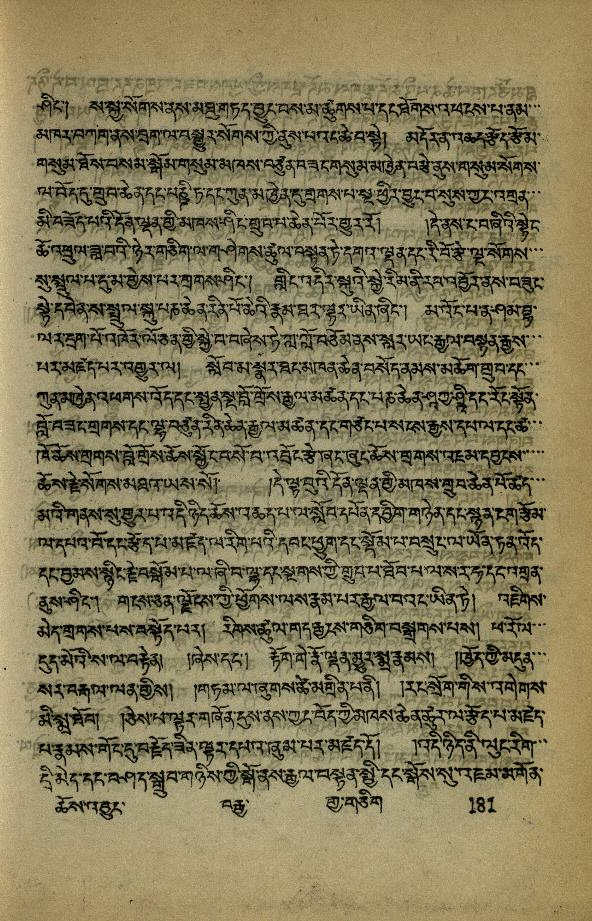ཤིང་། ས་སྐྱ་སོགས་ནས་མཐུ་གཏད་བྱུང་བས་མ་ཚུགས་པ་དང་ཐོགས་འཕངས་པ་ནམ་
མཁར་བཀག་ནས་བྲག་ལ་བསྒྱུར་སོགས་ཀྱི་ནུས་པའང་ཆེ་བ་སྟེ། མདོར་ན་འཆད་རྩོད་རྩོམ་
གསུམ་ཐོས་བསམ་སྒོམ་གསུམ་མཁས་བཙུན་བཟང་གསུམ་མཁྱེན་བརྩེ་ནུས་གསུམ་སོགས་
ལ་བོད་དུ་གྲུབ་ཆེན་དང་པཎྜི་ཏ་དང་ཀུན་མཁྱེན་དུ་གྲགས་པ་སྔ་ཕྱིར་བྱུང་བ་སུས་ཀྱང་འགྲན་
མི་བཟོད་པའི་དོན་ལྡན་གྱི་མཁས་ཤིང་གྲུབ་པ་ཆེན་པོར་གྱུར་རོ། །དེ་ནས་ང་བཞིའི་སྟེང་
ཆོ་འཕྲུལ་ཟླ་བའི་ཉེར་གཅིག་ལ་གཤེགས་ཚུལ་བསྟན་ཏེ་དགའ་ལྡན་དང་རི་བོ་རྩེ་ལྔ་སོགས་
སུ་སྤྲུལ་པ་དུ་མ་གྱེས་པར་གྲགས་ཤིང་། གླིང་འདིར་སྐུའི་སྐྱེ་རིམ་ནི་རབ་འབྱོར་ནས་བཟུང་
སྟེ་དབེན་ས་སྤྲུལ་སྐུ་པཎ་ཆེན་རིན་པོ་ཆེའི་རྣམ་ཐར་ལྟར་ཡིན་ཞིང་། མ་འོང་པ་ན་ཤམ་བྷ་
ལར་དྲག་པོ་འཁོར་ལོ་ཅན་གྱི་སྐྱེ་བ་བཞེས་ཏེ་ཀླ་ཀློ་བཅོམ་ནས་སླར་ཡང་རྒྱལ་བསྟན་རྒྱས་
པར་མཛད་པར་འགྱུར་ལ། སློབ་མ་སྣར་ཐང་མཁན་ཆེན་བསོད་ནམས་མཆོག་གྲུབ་དང་
ཀུན་མཁྱེན་འཕགས་འོད་དང་སྤྱན་སྔ་བློ་གྲོས་རྒྱལ་མཚན་དང་པཎ་ཆེན་ཤཱཀྱ་ཤྲཱི་དང་རོང་སྟོན་
བློ་བཟང་གྲགས་དང་ལྷ་བཙུན་རིན་ཆེན་རྒྱལ་མཚན་དང་གཙང་པ་སངས་རྒྱས་དཔལ་དང་ཚ་
ཁོ་ཆོས་གྲགས་བློ་གྲོས་ཆོས་སྐྱོང་བ་སོ་བ་འབྲོང་རྩེ་ཞང་ཞུང་ཆོས་གྲགས་འཇམ་དབྱངས་
ཆོས་རྗེ་སོགས་མཐའ་ཡས་སོ། །དེ་ལྟ་བུའི་དོན་ལྡན་གྱི་མཁས་གྲུབ་ཆེན་པོ་ཚད་
མའི་གནས་སུ་གྱུར་པ་འདི་ཉིད་ཆོས་འཆད་པ་ལ་སློབ་དཔོན་དབྱིག་གཉེན་དང་སྙན་ངག་རྩོམ་
ལ་དཔའ་བོ་དང་རྩོད་པ་མཛད་ལ་རིག་པའི་དབང་ཕྱུག་དང་སྡོམ་པ་བསྲུང་ལ་ཡོན་ཏན་འོད་
དང་བྱམས་སྙིང་རྗེ་བསྒོམ་པ་ལ་ཞི་བ་ལྷ་དང་སྔགས་ཀྱི་གྲུབ་པ་ཐོབ་པ་ལ་ས་ར་ཧ་དང་འགྲན་
ནུས་ཤིང་། གངས་ཅན་ལྗོངས་ཀྱི་ཕྱོགས་ལས་རྣམ་པར་རྒྱལ་བའང་ཡིན་ཏེ། འཇིགས་
མེད་གྲགས་པས་བསྟོད་པར། རིགས་ཚུལ་གད་རྒྱངས་གཅིག་བསྒྲགས་པས། ཕ་རོལ་
དུད་མོའི་ས་ལ་བརྟེན། །ཞེས་དང་། རྟོག་གེ་རྣོ་ལྡན་མྱུར་སྨྲ་རྣམས། །ཁྱོད་ཀྱི་མདུན་
སར་བརྒལ་ལན་གྱིས། །གཏམ་ལ་ཞུགས་ཚེ་མགྲིན་པ་ནི། །རང་སྲོག་གིས་འགེགས་
མི་སྨྲ་ཐོབ། །ཅེས་པ་ལྟར་གཞོན་དུས་ནས་ཀྱང་བོད་ཀྱི་མཁས་ཆེན་ཚུར་ལ་རྩོད་པ་མཛད་
པ་རྣམས་གོང་དུ་བརྗོད་ཟིན་ལྟར་དཔའ་ཞུམ་པར་མཛད་དོ། །འདི་ཉིད་ནི་ལུང་རིག་
དྲི་མེད་དང་བཤད་སྒྲུབ་གཉིས་ཀྱི་སྒོ་ནས་རྒྱལ་བསྟན་སྤྱི་དང་སྒོས་སུ་འཇམ་མགོན་